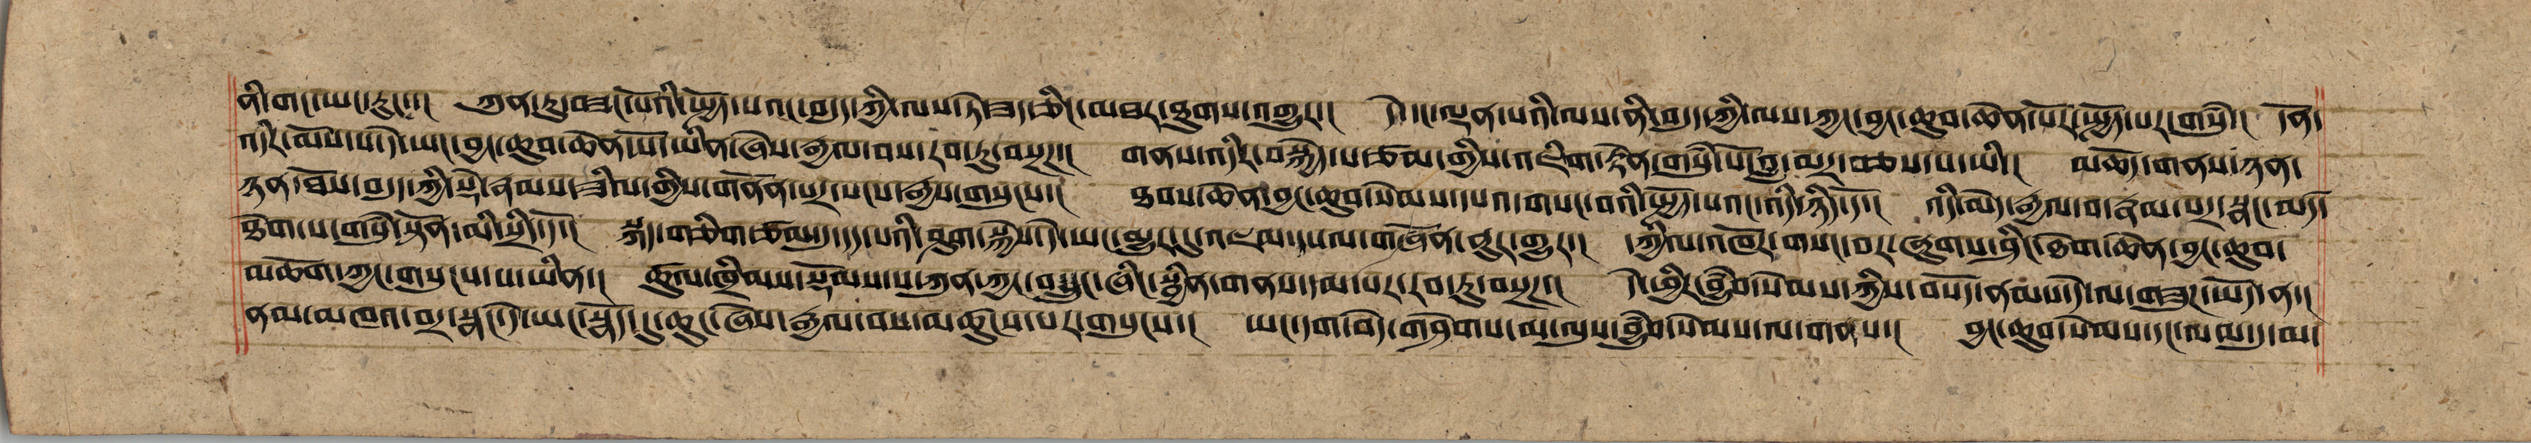ནི་གང་ཡང་རུང་་། ཀུན་ཏུ་བཟང་པོའི་སྤྱོད་པའང་བདུད་ཀྱི་ལས་ཏེ་ཟད་ཅིང་མཐར་ཐུགས་འགྱུར་། དེ་དང་ལྡན་པའི་ལས་ནི་བདུད་ཀྱི་ལས་ཀྱང་བྱང་ཆུབ་ཆེན་པོར་སྤྱོད་པར་གསུཾ་། དོན་
འདིར་མོས་པ་དེ་ཡང་བྱང་ཆུབ་ཆེན་པོ་ཡིན་ཞེས་རྒྱལ་བས་རབ་ཏུ་བསྔཌ་། གནས་འདིར་བསྐྱེད་པ་ཙམ་གྱིས་འཇིག་རྟེན་གསུཾ་པོ་བླ་མར་བཅས་པ་ཡི་། མཆོད་གནས་ཉན་
ཉན་ཐོས་བདུད་ཀྱི་སྡེ་རྣམས་ཟིལ་གྱིས་གནོན་པར་སངས་རྒྱས་གསུངས་། ཐབས་ཆེན་བྱང་ཆུབ་སེམས་དཔའ་གསང་བའི་སྤྱོད་པའང་འདི་ཉིད་དོ་། འདི་མེད་རྒྱལ་བ་རྣམ་པར་སྣང་མཛད་
ཐེག་པ་གསུཾ་སྟོན་མི་སྲིད་དོ་། སྐད་གཅིག་ཙམ་དུ་དད་པའི་ཤུག་སྐྱེས་དེ་ཡང་མྱུར་དུ་འཇམ་དཔལ་གཞོན་ནུར་གྱུར་། དཀྱིལ་འཁོར་གསང་བར་ཞུགས་ཤིང་ཐེག་ཆེན་བྱང་ཆུབ་
མཆོག་ཀྱང་གསུངས་པ་ཡིན་། ཚུལ་ཁྲིམས་སྡོམས་པ་ཀུན་ཀྱང་བསྲུང་ཞིང་སྦྱིན་གནས་དམ་པར་རབ་ཏུ་བསྔཌ་། དེ་ཕྱིར་བྱུཾབ་སེམས་ཀྱིས་བསོད་ནམས་དེ་ལ་གཟུཌ་ཡོད་ན་།
ནམ་མཁའ་བར་སྣང་དེ་ཡང་སྣོད་དུ་ཆུང་ཞེས་རྒྱལ་བས་མཚུངས་པར་གསུངས་། ཡང་དག་བདེ་གཤེགས་མ་ལུས་བྱུཾབ་སེམས་ལ་གནས་། བྱང་ཆུབ་སཻམས་དང་ལམ་དུ་མ་